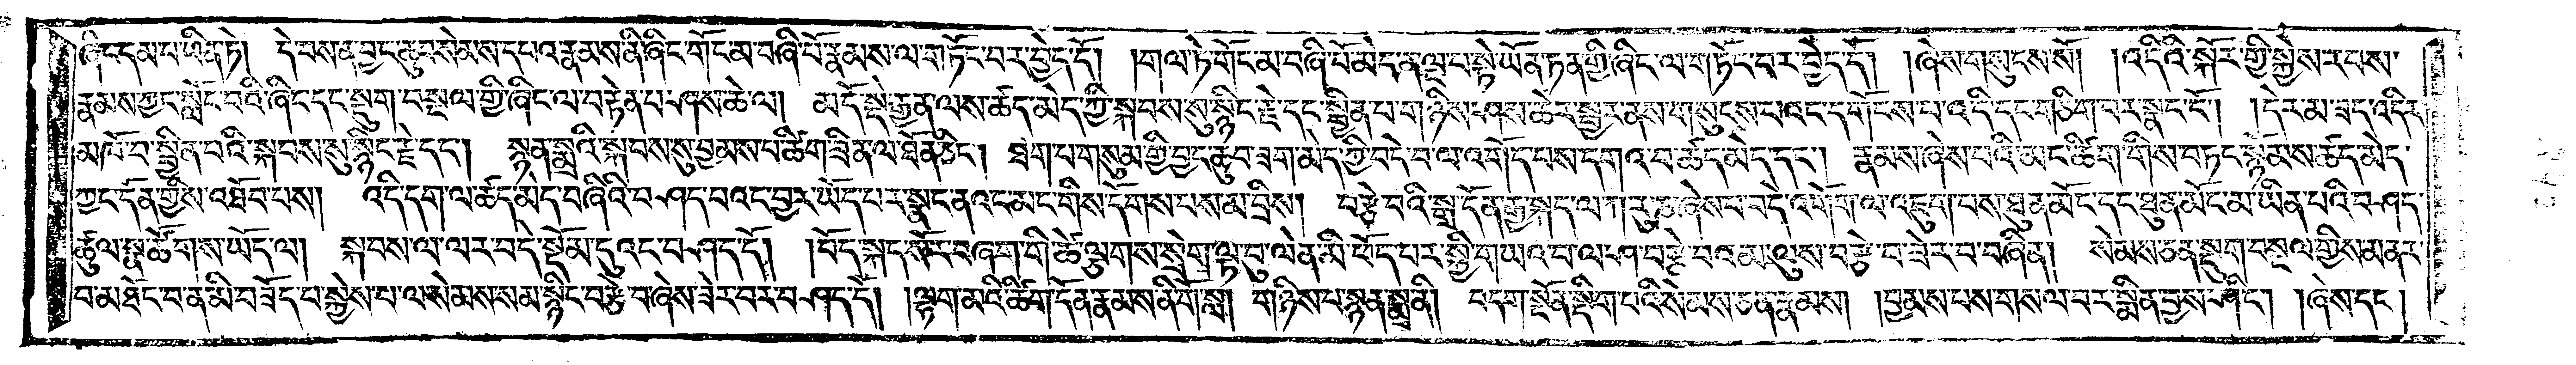ཞིང་དམ་པ་ཡིན་ཏེ། དེ་བས་ན་བྱང་ཆུབ་སེམས་དཔའ་རྣམས་ནི་ཞིང་གོང་མ་བཞི་པོ་རྣམས་ལ་གཏོང་བར་བྱེད་དོ། །གལ་ཏེ་གོང་མ་བཞི་པོ་མེད་ན་ལྔ་པ་སྟེ་ཡོན་ཏན་གྱི་ཞིང་ལ་གཏོང་བར་བྱེད་དོ། །ཞེས་གསུངས་སོ། །འདིའི་སྐོར་གྱི་སྐྱེས་རབས་
རྣམས་ཀྱང་སློང་བའི་ཞིང་དང་སྡུག་བསྔལ་གྱི་ཞིང་ལ་བརྟེན་པ་ཤས་ཆེ་ལ། མདོ་སྡེ་རྒྱན་ལས་ཚད་མེད་ཀྱི་སྐབས་སུ་སྙིང་རྗེ་དང་སྦྱིན་པ་གཉིས་མས་ཆེར་སྦྱར་ནས་གསུངས་པའང་དགོངས་པ་འདི་དང་གཅིག་པར་སྣང་ངོ། །དེར་མ་ཟད་འདིར་
མཁོ་བ་སྦྱིན་པའི་སྐབས་སུ་རྙིང་རྗེ་དང་། སྙན་སྨྲའི་སྐབས་སུ་བྱམས་པའང་བར་ཡོད་པར་སྣང་ནའང་མང་གིས་དོགས་པས་དགའ་བ་ཚད་མེད་དང་། རྣམས་ཞེས་པའི་མང་ཚིག་གི་བཏང་སྙོམས་ཚད་མེད་
ཀྱང་དོན་གྱིས་འཐོབ་པས། འདི་དག་ལ་ཚད་མེད་བཞིའི་བཤད་པའང་བྱར་ཡོད་པར་སྣང་ནའང་མང་གིས་དགོས་པས་མ་བྲིས། བརྩེ་བའི་སྒྲ་དོན་རྒྱུ་སྐར་དེ་ལ་གུ་ར་ཎ་ཞེས་པ་བདེ་འགོག་ལ་འཇུག་པས་ཐུན་མོང་དང་ཐུན་མོང་མ་ཡིན་པའི་བཤད་
ཚུལ་སྣ་ཚོགས་ཡོད་ལ། སྐབས་ལ་ལར་བདེ་སྡོམ་དུའང་བཤད་དོ། །བོད་སྐད་སོར་བཞག་གི་ཚེ་ལྕགས་སྲེག་ལྟ་བུར་ལེན་མི་བདེ་བར་སྤྱི་གཡའ་པ་ལ་ཤ་བརྩེ་བའམ་ལུས་པ་རྩེ་བ་ཟེར་བ་བཞིན། སེམས་ཅན་སྡུག་བསྔལ་གྱིས་མནར་
བ་མཐོང་བ་ན་མི་བཟོད་བ་སྐྱེས་པ་ལ་སེམས་སྙིང་བརྩེ་བ་ཞེས་ཟེར་བར་བཤད་དོ། །ལྟག་མའི་ཚིག་དོན་རྣམས་ནི་གོ་སླ། གཉིས་པ་སྙན་སྨྲ་ནི། བདག་སྔོན་སྡིག་པའི་སེམས་ཅན་རྣམས། །བྱམས་པས་གསལ་བར་སྨིན་བྱས་ཤིང་། །ཞེས་དང་